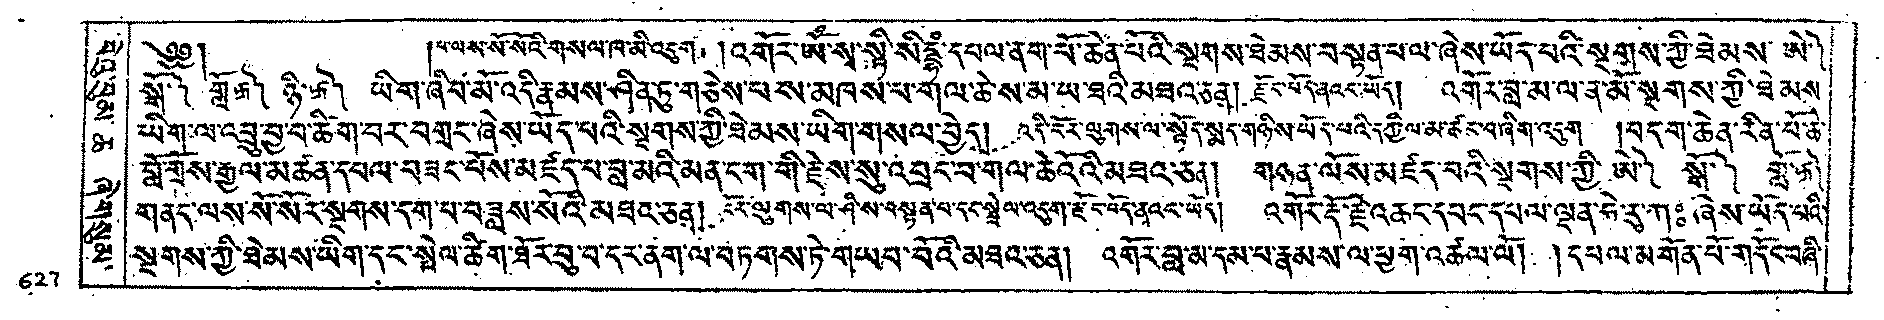༄༅། །པ་ལས་སོ་སོའི་གསལ་ཁ་མི་འདུག །འགོར་ཨོཾ་སྭ་སྟི་སིདྡྷཾ་དཔལ་ནག་པོ་ཆེན་པོའི་སྔགས་ཐེམས་བསྟན་པ་ལ་ཞེས་ཡོད་པའི་སྔགས་ཀྱི་ཐེམས་ཨ྄ེ
སྒ྄ོ་གློ~྾?་ཉི~྾?་ཡིག་ཞིབ་མོ་འདི་རྣམས་ཤིན་ཏུ་གཅེས་པས་མཁས་པ་གལ་ཆེ་ས་མ་ཡ་ཐའི་མཐའ་ཅན། རྫོང་པོད་ནའང་ཡོད།  འགོར་བླ་མ་ལ་ན་མོ་སྔགས་ཀྱི་ཐེམས་
ཡིག་ལ་འབྲུ་བྱ་བ་ཚིག་བར་བགྲང་ཞེས་ཡོད་པའི་སྔགས་ཀྱི་ཐེམས་ཡིག་གསལ་བྱེད། འདི་ངོར་ལུགས་ལ་སྟོད་སྨད་གཉིས་ཡོད་པའི་དཀྱིལ་མ་ཚང་བ་ཞིག་འདུག་།བདག་ཆེན་རིན་པོ་ཆེ་
བློ་གྲོས་རྒྱལ་མཚན་དཔལ་བཟང་པོས་མཛད་པ་བླ་མའི་མན་ངག་གི་རྗེས་སུ་འབྲང་བ་གལ་ཆེའོའི་མཐའ་ཅན། གཉན་ལོས་མཛད་པའི་སྔགས་ཀྱི་ཨ྄ེ་སྒ྄ོ་གློ~྾?
གནད་ལས་སོ་སོར་སྔགས་དག་པ་བཟླས་སོའི་མཐའ་ཅན། ངོར་ལུགས་ལ་ཤི་ས་བསྟན་པ་དང་སྦྲེལ་འདུག་རྫོང་པོད་ནའང་ཡོད།  འགོར་རྡོ་རྗེ་འཆང་དབང་དཔལ་ལྡན་ཧེ་རུ་ཀཿ ཞེས་ཡོད་པའི་
སྔགས་ཀྱི་ཐེམས་ཡིག་དང་སྤེལ་ཚིག་ཐོར་བུ་བ་དར་ནག་ལ་བཏགས་ཏེ་གཡབ་བོའི་མཐའ་ཅན། འགོར་བླ་མ་དམ་པ་རྣམས་ལ་ཕྱག་འཚལ་ལོ། །དཔལ་མགོན་པོ་གདོང་བཞི་